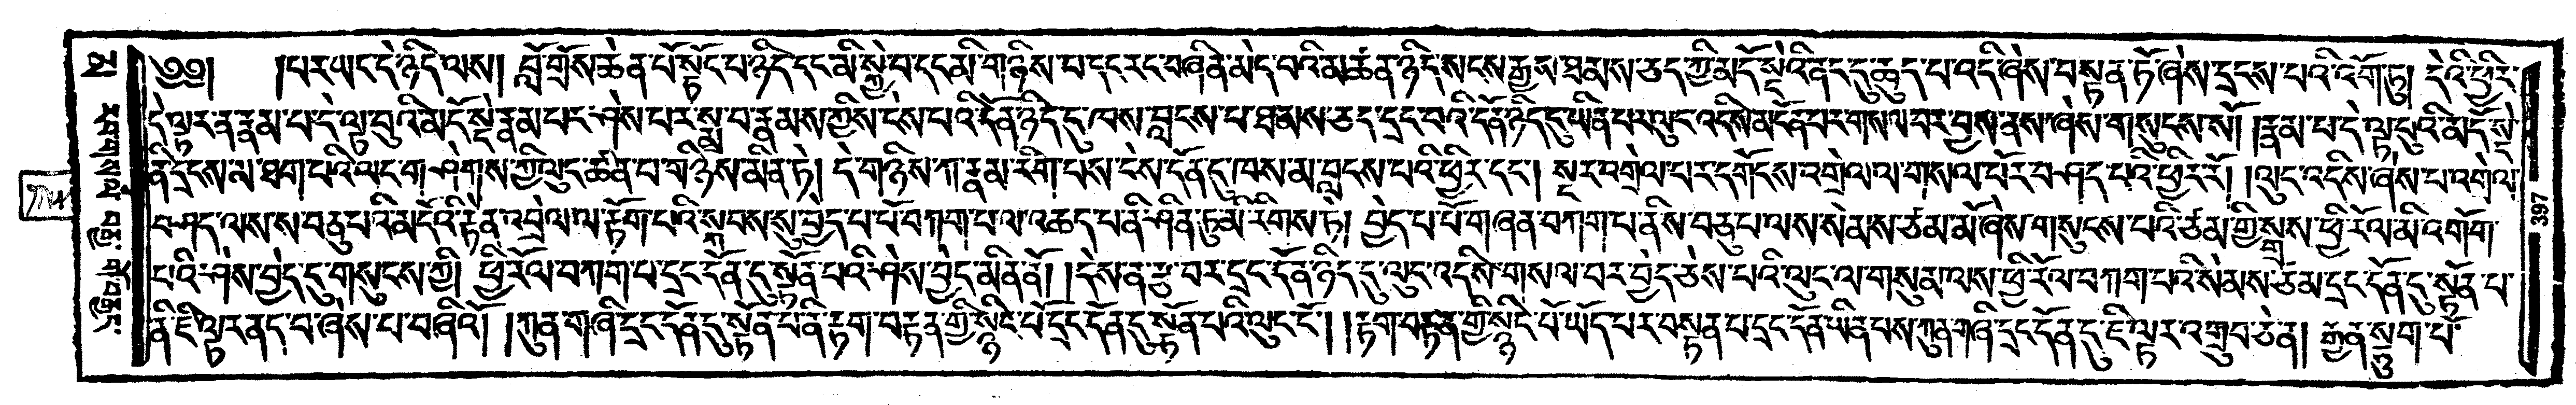༄༅། །པར་ཡང་དེ་ཉིད་ལས། བློ་གྲོས་ཆེན་པོ་སྟོང་པ་ཉིད་དང་མི་སྐྱེ་བ་དང་མི་གཉིས་པ་དང་རང་བཞིན་མེད་པའི་མཚན་ཉིད་སངས་རྒྱས་ཐམས་ཅད་ཀྱི་མདོ་སྡེའི་ནང་དུ་ཆུད་པ་འདི་ཞེས་བསྟན་ཏོ་ཞེས་དྲངས་པའི་འོག་ཏུ། དེའི་ཕྱིར་
དེ་ལྟར་ན་རྣམ་པ་དེ་ལྟ་བུའི་མདོ་སྡེ་རྣམ་པར་ཤེས་པར་སྨྲ་པ་རྣམས་ཀྱིས་ངེས་པའི་དོན་ཉིད་དུ་ཁས་བླངས་པ་ཐམས་ཅད་དྲང་པའི་དོན་ཉིད་དུ་ཡིན་པར་ལུང་འདིས་མངོན་པར་གསལ་བར་བྱས་ནས་ཞེས་གསུངས་སོ། །རྣམ་པ་དེ་ལྟ་བུའི་མདོ་སྡེ་
ནི་དྲངས་མ་ཐག་པའི་ལང་གཤེགས་ཀྱི་ལུང་ཚན་པ་གཉིས་མིན་ཏེ། དེ་གཉིས་ཀ་རྣམ་རིག་པས་ངེས་དོན་དུ་ཁས་མ་བླངས་པའི་ཕྱིར་དང་། སྔར་འགྲེལ་པར་དགོངས་འགྲེལ་ལ་གསལ་པོར་བཤད་པའི་ཕྱིར་རོ། །ལུང་འདིས་ཞེས་པ་འགྲེལ་
བཤད་ལས་ས་བཅུ་པའི་མདོའི་རྟེན་འབྲེལ་ལ་རྟོག་པའི་སྐབས་སུ་བྱེད་པ་པོ་བཀག་པ་ལ་འཆད་པ་ནི་ཤིན་ཏུ་མི་རིགས་ཏེ། བྱེད་པ་པོ་གཞན་བཀག་པ་ནི་ས་བཅུ་པ་ལས་སེམས་ཙམ་མོ་ཞེས་གསུངས་པའི་ཙམ་གྱི་སྒྲས་ཕྱི་རོལ་མི་འགོག་
པའི་ཤེས་བྱེད་དུ་གསུངས་ཀྱི། ཕྱི་རོལ་བཀག་པ་དྲང་དོན་དུ་སྟོན་པའི་ཤེས་བྱེད་མིན་ནོ། །དེས་ན་རྩ་བར་དྲང་དོན་ཉིད་དུ་ལུང་འདིས་གསལ་བར་བྱེད་ཅེས་པའི་ལུང་ལ་གསུམ་ལས་ཕྱི་རོལ་བཀག་པའི་སེམས་ཙམ་དྲང་དོན་དུ་སྟོན་པ་
ནི་ཇི་ལྟར་ནད་པ་ཞེས་པ་བཞིའོ། །ཀུན་གཞི་དྲང་དོན་དུ་སྟོན་པ་ནི་རྟག་བརྟན་གྱི་སྙིང་པོ་དྲང་དོན་དུ་སྟོན་པའི་ལུང་ངོ། །རྟག་བརྟན་གྱི་སྙིང་པོ་ཡོད་པར་བསྟན་པ་དྲང་དོན་ཡིན་པས་ཀུན་གཞི་དྲང་དོན་དུ་ཇི་ལྟར་འགྲུབ་ཅེ་ན། རྒྱན་སྟུག་པོ་